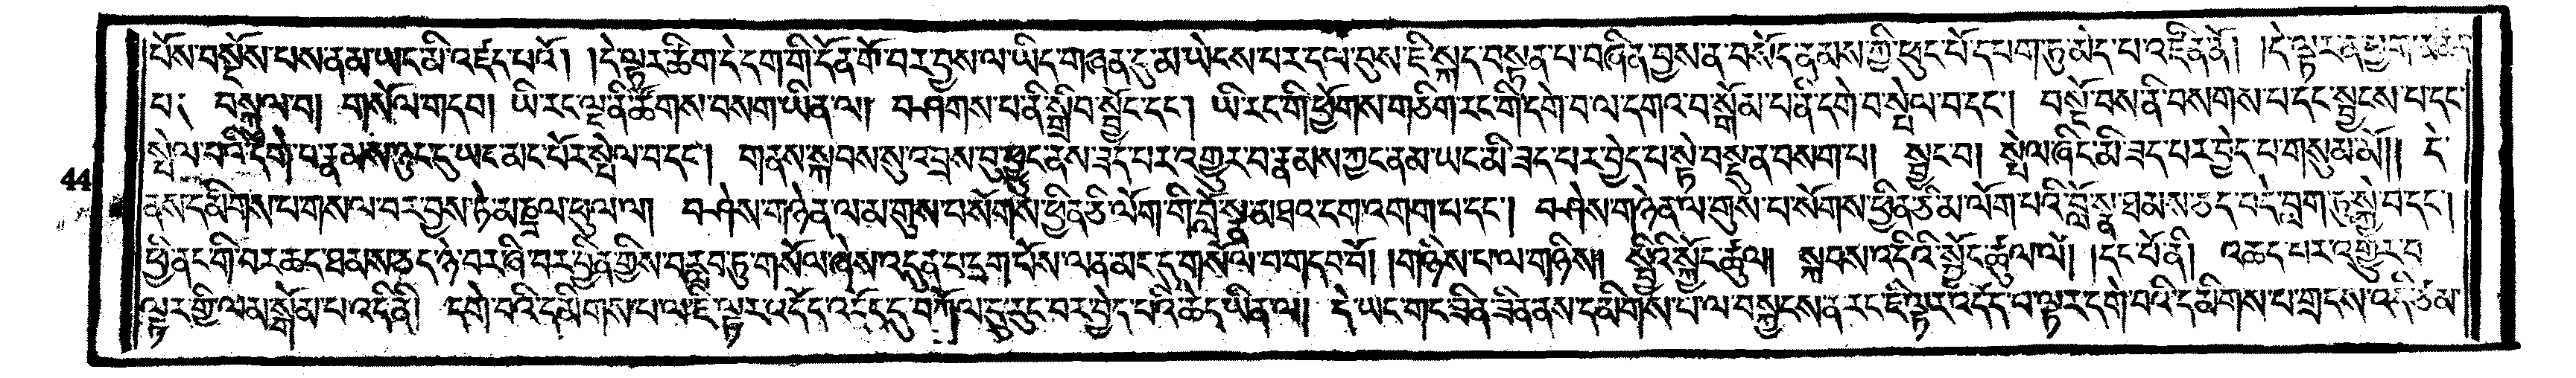པོས་བསྔོས་པས་ནམ་ཡང་མི་འཛད་པའོ། །དེ་ལྟར་ཚིག་དེ་དག་གི་དོན་གོ་བར་བྱས་ལ་ཡིད་གཞན་དུ་མ་ཡེངས་པར་དལ་བུས་ཇི་སྐད་བསྟན་པ་བཞིན་བྱས་ན་བསོད་ནམས་ཀྱི་ཕུང་པོ་དཔག་ཏུ་མེད་པ་འཛིན་ནོ། །དེ་ལྟར་ན་ཕྱག་མཆོད་
པ༑ བསྐུལ་བ། གསོལ་གདབ། ཡི་རང་ལྔ་ནི་ཚོགས་བསག་ཡིན་ལ། བཤགས་པ་ནི་སྒྲིབ་སྦྱོང་དང་། ཡི་རང་གི་ཕྱོགས་གཅིག་རང་གི་དགེ་བ་ལ་དགའ་བསྒོམ་པ་ནི་དགེ་བ་སྤེལ་བ་དང་། བསྔོ་བས་ནི་བསགས་པ་དང་སྦྱངས་པ་དང་
སྤེལ་བའི་དགེ་བ་རྣམས་ཉུང་དུ་ཡང་མང་པོར་པོར་སྤེལ་བ་དང་། གནས་སྐབས་སུ་འབྲས་བུ་ཕྱུང་ནས་ཟད་པར་འགྱུར་བ་རྣམས་ཀྱང་ནམ་ཡང་མི་ཟད་པར་བྱེད་པ་སྟེ་བསྡུ་ན་བསག་པ། སྦྱང་བ། སྤེལ་ཞིང་མི་ཟད་པར་བྱེད་པ་གསུམ་མོ།། དེ་
ནས་དམིགས་པ་གསལ་བར་བྱས་ཏེ་མཎྜལ་ཕུལ་ལ། བཤེས་གཉེན་ལ་མ་གུས་པ་སོགས་ཕྱིན་ཅི་ལོག་གི་བློ་སྣ་མཐའ་དག་འགག་པ་དང་། བཤེས་གཉེན་ལ་གུས་པ་སོགས་ཕྱིན་ཅི་མ་ལོག་པའི་བློ་སྣ་ཐམས་ཅད་བདེ་བླག་ཏུ་སྐྱེ་བ་དང་།
ཕྱི་ནང་གི་བར་ཆད་ཐམས་ཅད་ཉེ་བར་ཞི་བར་ཕྱིན་གྱིས་བརླབ་ཏུ་གསོལ་ཞེས་འདུན་པ་དྲག་པོས་ལན་མང་དུ་གསོལ་བ་གདབ་བོ། །གཉིས་པ་ལ་གཉིས། སྤྱའི་སྐྱོང་ཚུལ། སྐབས་འདིའི་སྦྱོང་ཚུལ་ལོ། །དང་པོ་ནི། འཆད་པར་འགྱུར་བ་
ལྟར་གྱི་ལམ་སྒོམ་པ་འདི་ནི། དགེ་བའི་དམིགས་པ་ལ་ཇི་ལྟར་འདོད་དུ་བཀོལ་དུ་རུང་བར་བྱེད་པའི་ཆེད་ཡིན་ལ། དེ་ཡང་གང་ཟིན་ཟིན་ནས་དམིགས་པ་ལ་བསྐྱངས་ན་རང་ཇི་ལྟར་འདོད་པ་ལྟར་དགེ་བའི་དམིགས་པ་གྲངས་འདི་ཙམ་